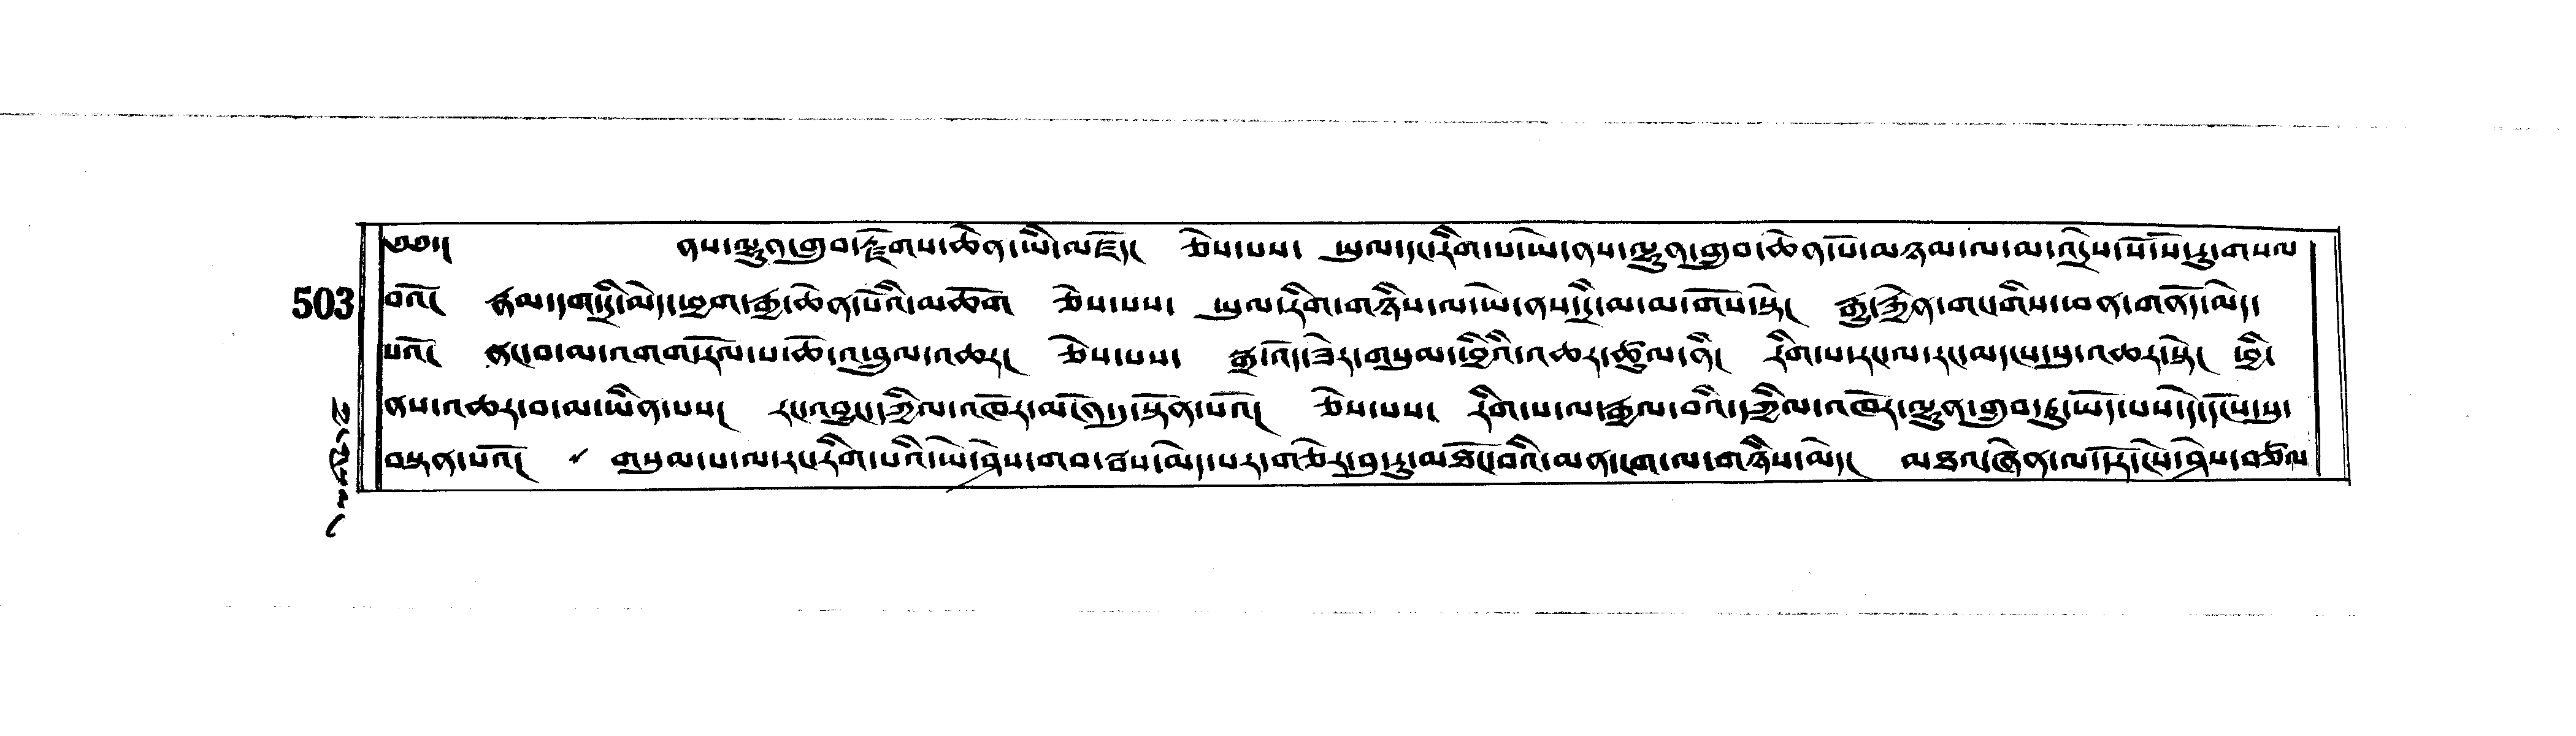ནས་ལྷུན་གྲུབ་རྫོགས་ཆེན་ཡི་མཛོད། ཅེས་པས། ཡུལ་དང་རིག་པ་ཡེ་ནས་ལྷུན་གྲུབ་ཆེན་པོ་མཉམ་ལ་མ་འདྲེས་པ་སོ་སོ་རུ་གསལ་
བའོ། རྣམ་དག་དྲི་མེད་ཕྱག་རྒྱ་ཆེན་པོའི་མཆོག ཅེས་པས། ཡུལ་རིག་གཉིས་ལ་ཡེ་ནས་དྲི་མས་མ་གོས་ཏེ། རྒྱུ་རྐྱེན་གང་གིས་ཕན་གནོད་མེད་
པའོ། སྣང་བ་མ་འགག་རོལ་པ་ཆོ་འཕྲུལ་འཆར། ཅེས་པས། སྒྲ་འོད་ཟེར་གསུམ་ཕྱི་ཡི་འཆར་ཚུལ་ནི། རིག་པ་རང་ལ་རང་མདངས་སུ་འཆར་ཏེ། ཕྱི་
ནས་འཆར་བ་མ་ཡིན་པས། རང་འབྱུང་དཀྱིལ་འཁོར་མངོན་དུ་སྟོན་པའོ། ཅེས་པས། རིག་པ་ལ་རྒྱལ་བའི་དཀྱིལ་འཁོར་ལྷུན་གྲུབ་ཏུ་ཡོད་པས་དེ་དངོས་སུ་
བསྟན་པའོ། ༧ གསུམ་པ་ལ་རང་རིག་པའི་ཡེ་ཤེས་གབ་སྦས་མེད་པར་གཅེར་བུ་རུ་མཐོང་བའི་མན་ངག་ལ་གཉིས་མེད། མཐའ་ཞེན་ལ་དོར་ངེས་ཤེས་བཙལ་